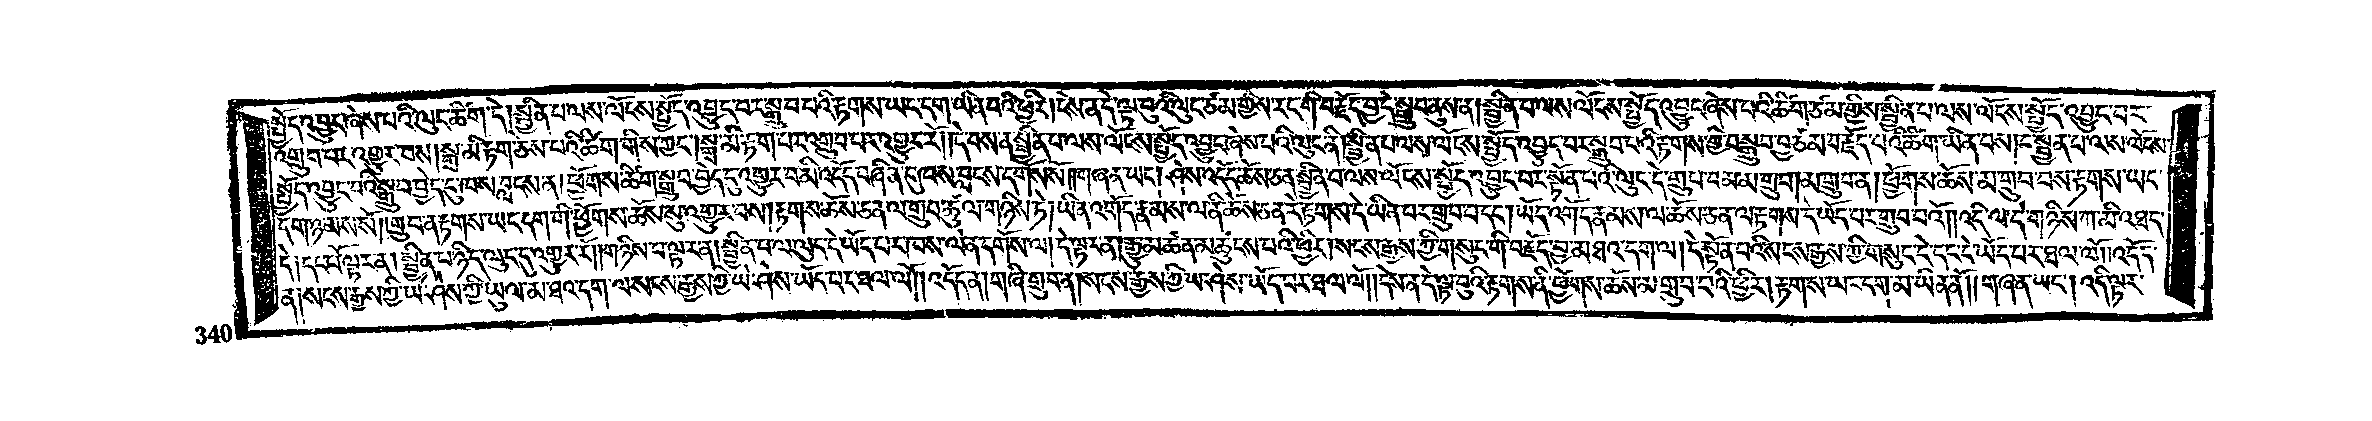སྤྱོད་འབྱུང་ཞེས་པའི་ལུང་ཚིག་དེ། སྦྱིན་པ་ལས་ལོངས་སྤྱོད་འབྱུང་བར་སྒྲུབ་པའི་རྟགས་ཡང་དག་ཡིན་པའི་ཕྱིར། དེས་ན་དེ་ལྟ་བུའི་ལུང་ཙམ་གྱིས་རང་གི་བརྗོད་བྱ་དེ་སྒྲུབ་ནུས་ན། སྦྱིན་པ་ལས་ལོངས་སྤྱོད་འབྱུང་ཞེས་པའི་ཚིག་ཙམ་གྱིས་སྦྱིན་པ་ལས་ལོངས་སྤྱོད་འབྱུང་བར་
འགྲུབ་པར་འགྱུར་བས། སྒྲ་མི་རྟག་ཅེས་པའི་ཚིག་གིས་ཀྱང་། སྒྲ་མི་རྟག་པར་འགྲུབ་པར་འགྱུར་རོ། །དེ་བས་ན་སྦྱིན་པ་ལས་ལོངས་སྤྱོད་འབྱུང་ཞེས་པའི་ལུང་ནི། སྦྱིན་པ་ལས་ལོངས་སྤྱོད་འབྱུང་བར་སྒྲུབ་པའི་རྟགས་ཀྱི་བསྒྲུབ་བྱ་ཙམ་བརྗོད་པའི་ཚིག་ཡིན་པས། དེ་སྦྱིན་པ་ལས་ལོངས་
སྤྱོད་འབྱུང་བའི་སྒྲུབ་བྱེད་དུ་ཁས་བླངས་ན། ཕྱོགས་ཚིག་སྒྲུབ་བྱེད་དུ་འགྱུར་བ་མི་འདོད་བཞིན་དུ་ཁས་བླངས་དགོས་སོ། །གཞན་ཡང་། ཤེས་འདོད་ཆོས་ཅན་སྦྱིན་པ་ལས་ལོངས་སྤྱོད་འབྱུང་བར་སྟོན་པའི་ལུང་དེ་གྲུབ་བམ་མ་གྲུབ། མ་གྲུབ་ན། ཕྱོགས་ཆོས་མ་གྲུབ་པས་རྟགས་ཡང་
དག་ཉམས་སོ། །གྲུབ་ན་རྟགས་ཡང་དག་གི་ཕྱོགས་ཆོས་སུ་འགྱུར་བས། རྟགས་ཆོས་ཅན་ལ་གྲུབ་ཚུལ་གཉིས་ཏེ། ཡིན་འགོད་རྣམས་ལ་ནི་ཆོས་ཅན་དེ་རྟགས་དེ་ཡིན་པར་གྲུབ་པ་དང་། ཡོད་འགོད་རྣམས་ལ་ཆོས་ཅན་ལ་རྟགས་དེ་ཡོད་པར་གྲུབ་པའོ། །འདི་ལ་དེ་གཉིས་ཀ་མི་འཐད་
དེ༑ དང་པོ་ལྟར་ན། སྦྱིན་པ་ཉིད་ལུང་དུ་འགྱུར་རོ། །གཉིས་པ་ལྟར་ན། སྦྱིན་པ་ལ་ལུང་དེ་ཡོད་པར་ཁས་ལེན་དགོས་ལ། དེ་ལྟར་ན། རྒྱུ་མཚན་མཚུངས་པའི་ཕྱིར། སངས་རྒྱས་ཀྱི་གསུང་གི་བརྗོད་བྱ་མཐའ་དག་ལ། དེ་སྟོན་པའི་སངས་རྒྱས་ཀྱི་གསུང་དེ་དང་དེ་ཡོད་པར་ཐལ་ལོ། །འདོད་
ན། སངས་རྒྱས་ཀྱི་ཡེ་ཤེས་ཀྱི་ཡུལ་མཐའ་དག་ལ་སངས་རྒྱས་ཀྱི་ཡེ་ཤེས་ཡོད་པར་ཐལ་ལོ། །འདོད་ན། གཞི་གྲུབ་ན། སངས་རྒྱས་ཀྱི་ཡེ་ཤེས་ཡོད་པར་ཐལ་ལོ། །དེས་ན་དེ་ལྟ་བུའི་རྟགས་ནི་ཕྱོགས་ཆོས་མ་གྲུབ་པའི་ཕྱིར། རྟགས་ཡང་དག་མ་ཡིན་ནོ། །གཞན་ཡང་། འདི་ལྟར་